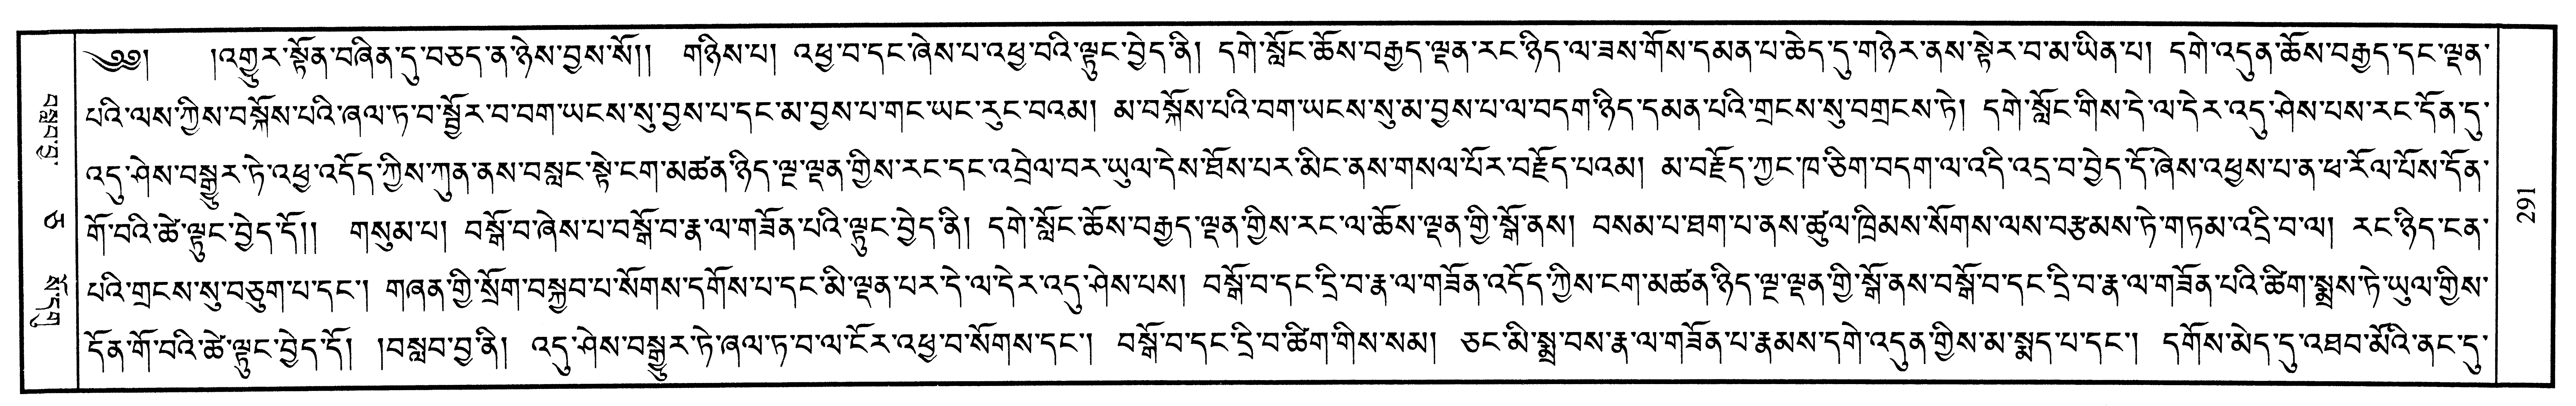༄༅། །འགྱུར་སྟོན་བཞིན་དུ་བཅད་ན་ཉེས་བྱས་སོ།། གཉིས་པ། འཕྱ་བ་དང་ཞེས་པ་འཕྱ་བའི་ལྟུང་བྱེད་ནི། དགེ་སློང་ཆོས་བརྒྱད་ལྡན་རང་ཉིད་ལ་ཟས་གོས་དམན་པ་ཆེད་དུ་གཉེར་ནས་སྟེར་བ་མ་ཡིན་པ། དགེ་འདུན་ཆོས་བརྒྱད་དང་ལྡན་
པའི་ལས་ཀྱིས་བསྐོས་པའི་ཞལ་ཏ་བ་སྦྱོར་བ་བག་ཡངས་སུ་བྱས་པ་དང་མ་བྱས་པ་གང་ཡང་རུང་བའམ། མ་བསྐོས་པའི་བག་ཡངས་སུ་མ་བྱས་པ་ལ་བདག་ཉིད་དམན་པའི་གྲངས་སུ་བགྲངས་ཏེ། དགེ་སློང་གིས་དེ་ལ་དེར་འདུ་ཤེས་པས་རང་དོན་དུ་
འདུ་ཤེས་བསྒྱུར་ཏེ་འཕྱ་འདོད་ཀྱིས་ཀུན་ནས་བསླང་སྟེ་ངག་མཚན་ཉིད་ལྔ་ལྡན་གྱིས་རང་དང་འབྲེལ་བར་ཡུལ་དེས་ཐོས་པར་མིང་ནས་གསལ་པོར་བརྗོད་པའམ། མ་བརྗོད་ཀྱང་ཁ་ཅིག་བདག་ལ་འདི་འདྲ་བ་བྱེད་དོ་ཞེས་འཕྱས་པ་ན་ཕ་རོལ་པོས་དོན་
གོ་བའི་ཚེ་ལྟུང་བྱེད་དོ།། གསུམ་པ། བསྒོ་བ་ཞེས་པ་བསྒོ་བ་རྣ་ལ་གཟོན་པའི་ལྟུང་བྱེད་ནི། དགེ་སློང་ཆོས་བརྒྱད་ལྡན་གྱིས་རང་ལ་ཆོས་ལྡན་གྱི་སྒོ་ནས། བསམ་པ་ཐག་པ་ནས་ཚུལ་ཁྲིམས་སོགས་ལས་བརྩམས་ཏེ་གཏམ་འདྲི་བ་ལ། རང་ཉིད་ངན་
པའི་གྲངས་སུ་བཅུག་པ་དང་། གཞན་གྱི་སྲོག་བསྐྱབ་པ་སོགས་དགོས་པ་དང་མི་ལྡན་པར་དེ་ལ་དེར་འདུ་ཤེས་པས། བསྒོ་བ་དང་དྲི་བ་རྣ་ལ་གཟོན་འདོད་ཀྱིས་ངག་མཚན་ཉིད་ལྔ་ལྡན་གྱི་སྒོ་ནས་བསྒོ་བ་དང་དྲི་བ་རྣ་ལ་གཟོན་པའི་ཚིག་སྨྲས་ཏེ་ཡུལ་གྱིས་
དོན་གོ་བའི་ཚེ་ལྟུང་བྱེད་དོ། །བསླབ་བྱ་ནི། འདུ་ཤེས་བསྒྱུར་ཏེ་ཞལ་ཏ་བ་ལ་ངོར་འཕྱ་བ་སོགས་དང་། བསྒོ་བ་དང་དྲི་བ་ཚིག་གིས་སམ། ཅང་མི་སྨྲ་བས་རྣ་ལ་གཟོན་པ་རྣམས་དགེ་འདུན་གྱིས་མ་སྨད་པ་དང་། དགོས་མེད་དུ་འཐབ་མོའི་ནང་དུ་